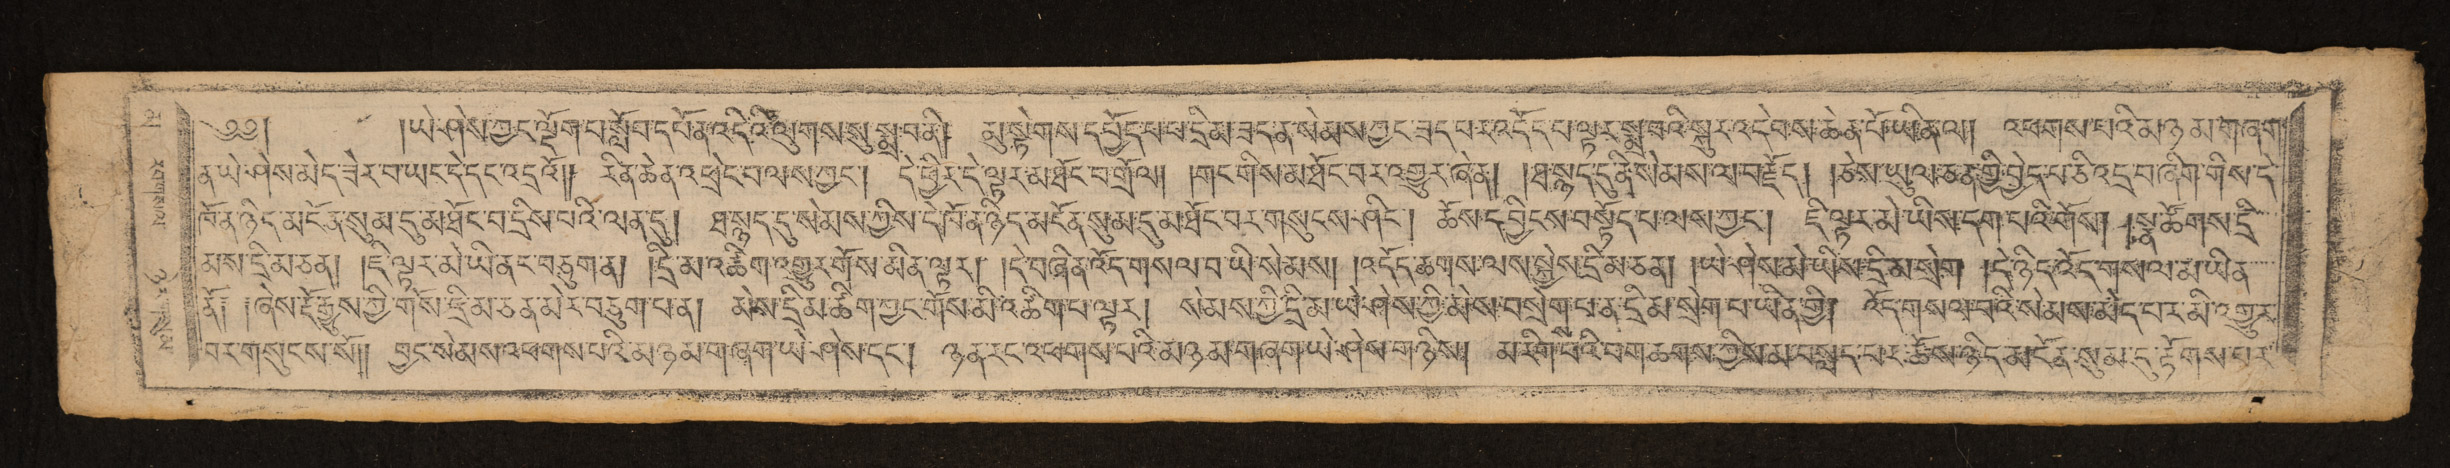༄༅། །ཡེ་ཤེས་ཀྱང་ལྡོག་པ་སློབ་དཔོན་འདིའི་ལུགས་སུ་སྨྲ་བ་ནི། མུ་སྟེགས་དཔྱོད་པ་བ་དྲི་མ་ཟད་ན་སེམས་ཀྱང་ཟད་པར་འདོད་པ་ལྟར་སྨྲ་བའི་སྐུར་འདེབས་ཆེན་པོ་ཡིན་ལ། འཕགས་པའི་མཉམ་གཞག་
ན་ཡེ་ཤེས་མེད་ཟེར་བ་ཡང་དེ་དང་འདྲའོ།། རིན་ཆེན་ཕྲེང་བ་ལས་ཀྱང་། དེ་ཕྱིར་དེ་ལྟར་མཐོང་བ་གྲོལ། །གང་གིས་མཐོང་བར་འགྱུར་ཞེ་ན། །ཐ་སྙད་དུ་ནི་སེམས་ལ་བརྗོད། །ཅེས་ཡུལ་ཅན་གྱི་བྱེད་པ་ཅི་འདྲ་བ་ཞིག་གིས་དེ་
ཁོ་ན་ཉིད་མངོན་སུམ་དུ་མཐོང་བ་དྲིས་པའི་ལན་དུ། ཐ་སྙད་དུ་སེམས་ཀྱིས་དེ་ཁོ་ན་ཉིད་མངོན་སུམ་དུ་མཐོང་བར་གསུངས་ཤིང་། ཆོས་དབྱིངས་བསྟོད་པ་ལས་ཀྱང་། ཇི་ལྟར་མེ་ཡིས་དག་པའི་གོས། །སྣ་ཚོགས་དྲི་
མས་དྲི་མ་ཅན། །ཇི་ལྟར་མེ་ཡི་ནང་བཅུག་ན། །དྲི་མ་འཚིག་འགྱུར་གོས་མིན་ལྟར། །དེ་བཞིན་འོད་གསལ་བ་ཡི་སེམས། །འདོད་ཆགས་ལས་སྐྱེས་དྲི་མ་ཅན། །ཡེ་ཤེས་མེ་ཡིས་དྲི་མ་སྲེག །དེ་ཉིད་འོད་གསལ་མ་ཡིན་
ནོ། །ཞེས་རྡོ་རྒྱུས་ཀྱི་གོས་དྲི་མ་ཅན་མེར་བཅུག་པ་ན། མེས་དྲི་མ་ཚིག་ཀྱང་གོས་མི་འཚིག་པ་ལྟར། སེམས་ཀྱི་དྲི་མ་ཡེ་ཤེས་ཀྱི་མེས་བསྲེགས་པ་ན་དྲི་མ་སྲེག་པ་ཡིན་གྱི། འོད་གསལ་བའི་སེམས་མེད་པར་མི་འགྱུར་
བར་གསུངས་སོ།། བྱང་སེམས་འཕགས་པའི་མཉམ་གཞག་ཡེ་ཤེས་དང་། ཉན་རང་འཕགས་པའི་མཉམ་གཞག་ཡེ་ཤེས་གཉིས། མ་རིག་པའི་བག་ཆགས་ཀྱིས་མ་བསླད་པར་ཆོས་ཉིད་མངོན་སུམ་དུ་རྟོགས་པར་